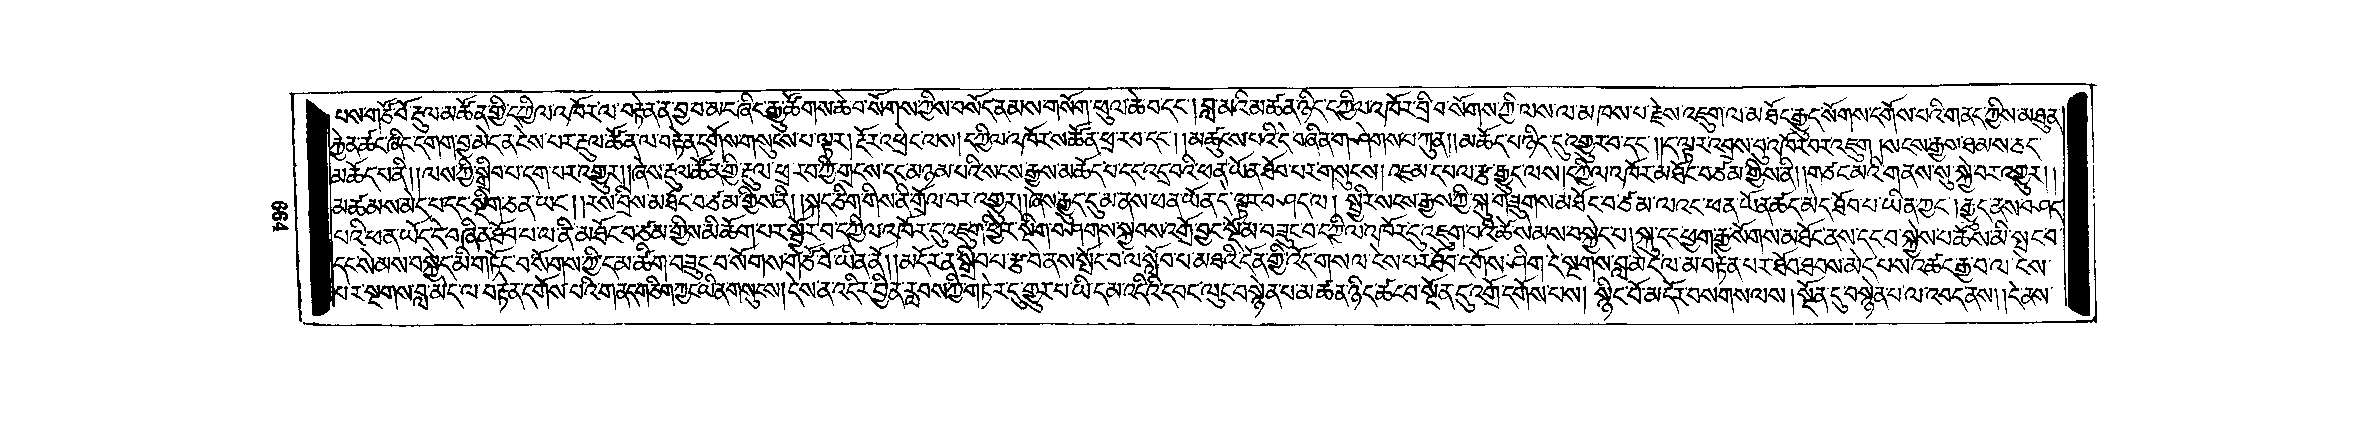པས་གཙོ་བོ་རྡུལ་མཚོན་གྱི་དཀྱིལ་འཁོར་ལ་བརྟེན་ན་བྱ་བ་མང་ཞིང་རྒྱུ་ཚོགས་ཆེ་བ་སོགས་ཀྱིས་བསོད་ནམས་གསོག་ཕུལ་ཆེ་བ་དང་། བླ་མའི་མཚན་ཉིད་དཀྱིལ་འཁོར་བྲི་བ་སོགས་ཀྱི་ལས་ལ་མཁས་པ་རྗེས་འཇུག་ལ་མཐོང་རྒྱུད་སོགས་དགོས་པའི་གནད་ཀྱིས་མཐུན་
རྐྱེན་ཚང་ཞིང་དགག་བྱ་མེད་ན་ངེས་པར་རྡུལ་ཚོན་ལ་བརྟེན་དགོས་གསུངས་པ་ལྟར། རྡོར་འཕྲེང་ལས། དཀྱིལ་འཁོར་ས་ཚོན་ཕྲ་རབ་དང་། །མཚུངས་པའི་དེ་བཞིན་གཤེགས་པ་ཀུན། །མཆོད་པ་ཉིད་དུ་འགྱུར་བ་དང་། །ད་ལྟར་འབྲས་བུ་འཁོར་བར་འཇུག །སངས་རྒྱས་ཐམས་ཅད་
མཆོད་པ་ནི། །ལས་ཀྱི་སྒྲིབ་པ་དག་པར་འགྱུར། །ཞེས་རྡུལ་ཚོན་གྱི་རྡུལ་ཕྲ་རབ་ཀྱི་གྲངས་དང་མཉམ་པའི་སངས་རྒྱས་མཆོད་པ་དང་འདྲ་བའི་ཕན་ཡོན་ཐོབ་པར་གསུངས། འཇམ་དཔལ་རྩ་རྒྱུད་ལས། དཀྱིལ་འཁོར་མཐོང་བ་ཙམ་གྱིས་ནི། །གཙང་མའི་གནས་སུ་སྐྱེ་བར་འགྱུར། །
མཚམས་མེད་པ་དང་སྡིག་ཅན་ཡང་། །རས་བྲིས་མཐོང་བ་ཙམ་གྱིས་ནི། །སྐད་ཅིག་གིས་ནི་གྲོལ་བར་འགྱུར། །ཞེས་རྒྱུད་དུ་མ་ནས་ཕན་ཡོན་དེ་ལྟར་བཤད་ལ། སྤྱིར་སངས་རྒྱས་ཀྱི་སྐུ་གཟུགས་མཐོང་བ་ཙམ་ལའང་ཕན་ཡོན་ཚད་མེད་ཐོབ་པ་ཡིན་ཀྱང་། རྒྱུད་ནས་བཤད་
པའི་ཕན་ཡོད་དེ་བཞིན་ཐོབ་པ་ལ་ནི་མཐོང་བ་ཙམ་གྱིས་མི་ཆོག་པར་སྦྱོར་བ་དཀྱིལ་འཁོར་དུ་འཇུག་ཕྱིར་སྡིག་བཤགས་སྐྱབས་འགྲོ་བྱང་སྡོམ་བཟུང་བ་དཀྱིལ་འཁོར་དུ་འཇུག་པའི་ཚེ་སེམས་བསྐྱེད་པ། སྐུ་དང་ཕྱག་རྒྱ་སོགས་མཐོང་ནས་དང་བ་སྐྱེས་པ་ཆོས་མི་སྤང་བ་
དང་སེམས་བསྐྱེད་མི་གཏོང་བ་སོགས་ཀྱི་དམ་ཚིག་བཟུང་བ་སོགས་གཙོ་བོ་ཡིན་ནོ། །མདོར་ན་སྒྲིབ་པ་རྩ་བ་ནས་སྤོང་བ་ལ་སློབ་པ་མཐའི་དོན་གྱི་འོད་གསལ་ངེས་པར་ཐོབ་དགོས་ཤིག་དེ་སྔགས་བླ་མེད་ལ་མ་བརྟེན་པར་ཐོབ་ཐབས་མེད་པས་འཚང་རྒྱ་བ་ལ་ངེས་
པར་སྔགས་བླ་མེད་ལ་བརྟེན་དགོས་པའི་གནད་གཅིག་ཀྱང་ཡིན་གསུངས། དེས་ན་འདིར་བྱིན་རླབས་ཀྱི་གཏེར་དུ་གྱུར་པ་ཡི་དམ་འདིའི་དབང་ལུང་བསྙེན་པ་མཚན་ཉིད་ཚང་བ་སྔོན་དུ་འགྲོ་དགོས་པས། སྙིང་པོ་མདོར་བསགས་ལས། སྔོན་དུ་བསྙེན་པ་ལ་འབད་ནས། །དེ་ནས་